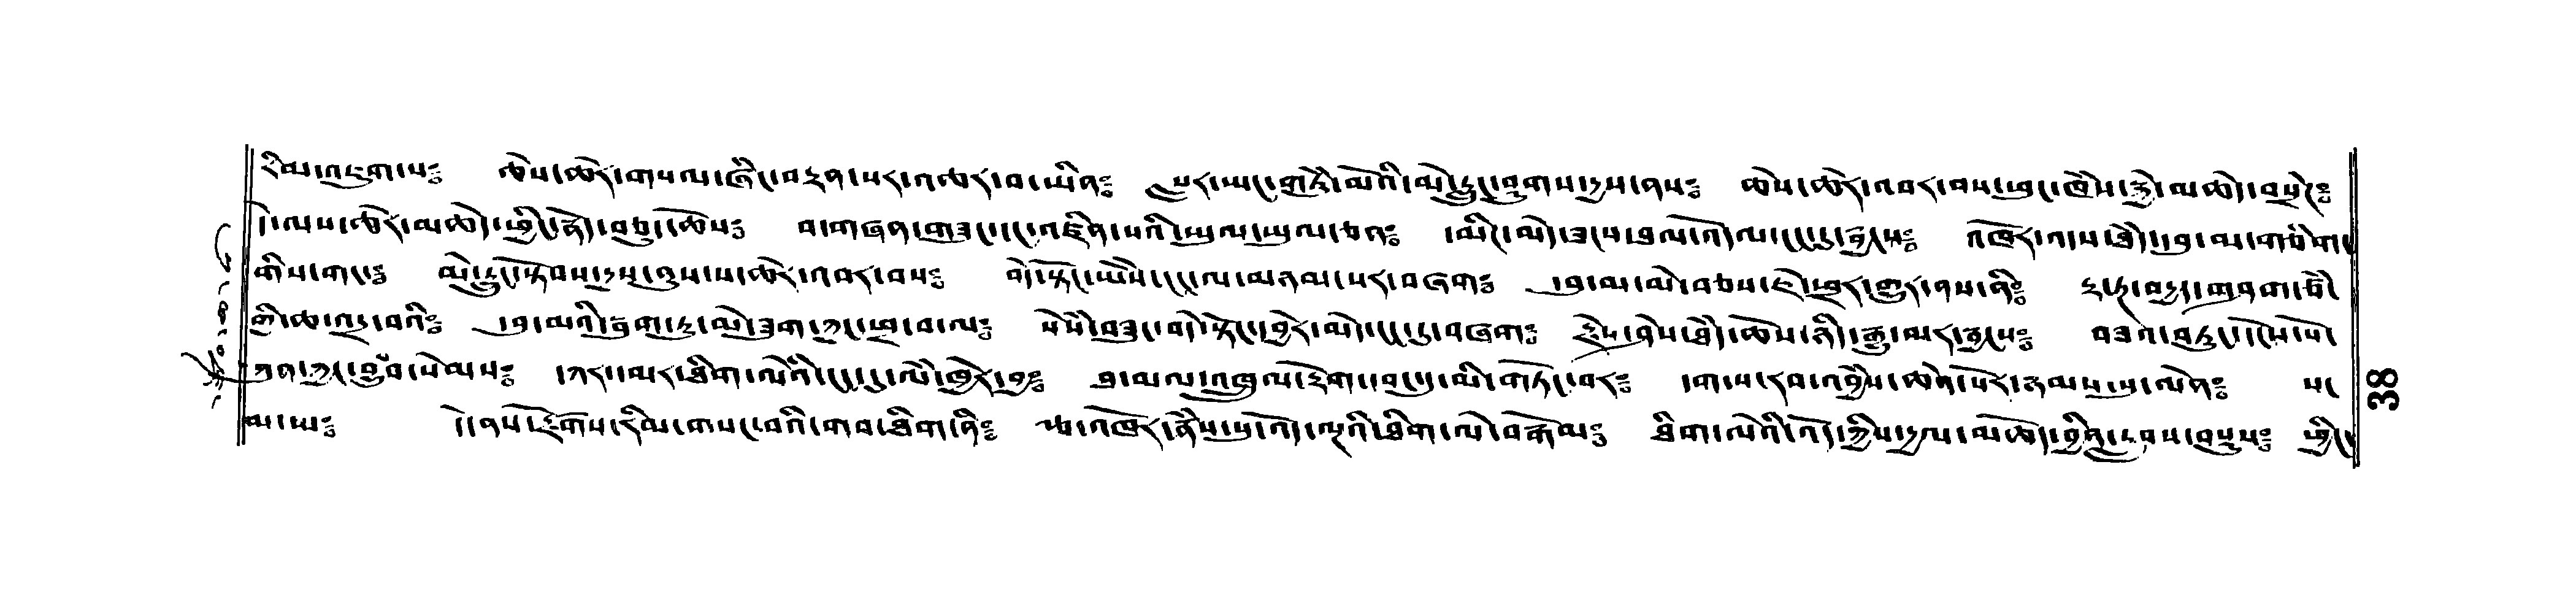རིམ་འཇུག་པ༔ ཆེས་ཆེར་གསལ་ཞིང་བརྟན་པར་འཆར་བ་ཡིན༔ སླར་ཡང་གཏུམ་མོའི་མེ་རླུང་ཤུགས་རྒྱས་ནས༔ ཆེས་ཆེར་འབར་བས་ཕུང་ཁམས་སྐྱེ་མཆེད་བསྲེགས༔ 
དེ་ལས་ཆེར་མཆེད་ཕྱི་ནང་སྣོད་བཅུད་ཆོས༔ བདག་གཞན་གཟུང་དང་འཛིན་པའི་ཡུལ་ཡུལ་ཅན༔ དམིགས་མེད་ཟང་ཐལ་འོད་གསལ་ངང་དུ་སྦྱངས༔ འཁོར་འདས་ཐམས་ཅད་དབུ་མ་གཅིག་
གིས་གང༔ མེ་རླུང་སྟོབས་རྒྱས་ནུས་པ་ཆེར་འབར་བས༔ བདེ་སྟོང་ཡེ་ཤེས་ངང་ལ་མཉམ་པར་བཞག༔ དབུ་མ་མེ་བཅས་ཇེ་ཕྲར་གྱུར་ནས་ནི༔རྟ་རྔ་བརྒྱད་གཤག་ཙམ་
གྱི་ཆ་འདྲ་བའི༔ དབུ་མའི་སྦུག་ཏུ་མེ་ཟུག་ཕྲ་བ་ལ༔ སེམས་བཟུང་བདེ་སྟོང་དབྱེར་མེད་ངང་དུ་བཞག༔ རྗེས་ཤེས་ཐམས་ཅད་ཆོས་ཉིད་སྒྱུ་མར་སྦྱངས༔ བཟའ་བཏུང་དངོས་པོ་
ཀུན་ཀྱང་བྱང་ཆུབ་སེམས༔ དཀར་དམར་ཐིག་ལེའི་ངང་དུ་ལམ་འཁྱེར་བྱ༔ ཐ་མལ་འཁྲུལ་རྟོག་དབང་དུ་མི་གཏོང་བར༔ དག་པ་རབ་འབྱམས་ཆེན་པོར་ཉམས་སུ་ལེན༔ ས་
མ་ཡ༔ དེ་ནས་རྫོགས་རིམ་གསང་བའི་གབ་ཐིག་ནི༔ རྩ་འཁོར་རྣམས་སུ་འོད་ལྔའི་ཐིག་ལེ་བསྒོམ༔ ཐིག་ལེའི་འོད་ཀྱིས་རྒྱལ་མཆོད་བྱིན་རླབས་བསྡུས༔ ཕྱི་ནང་